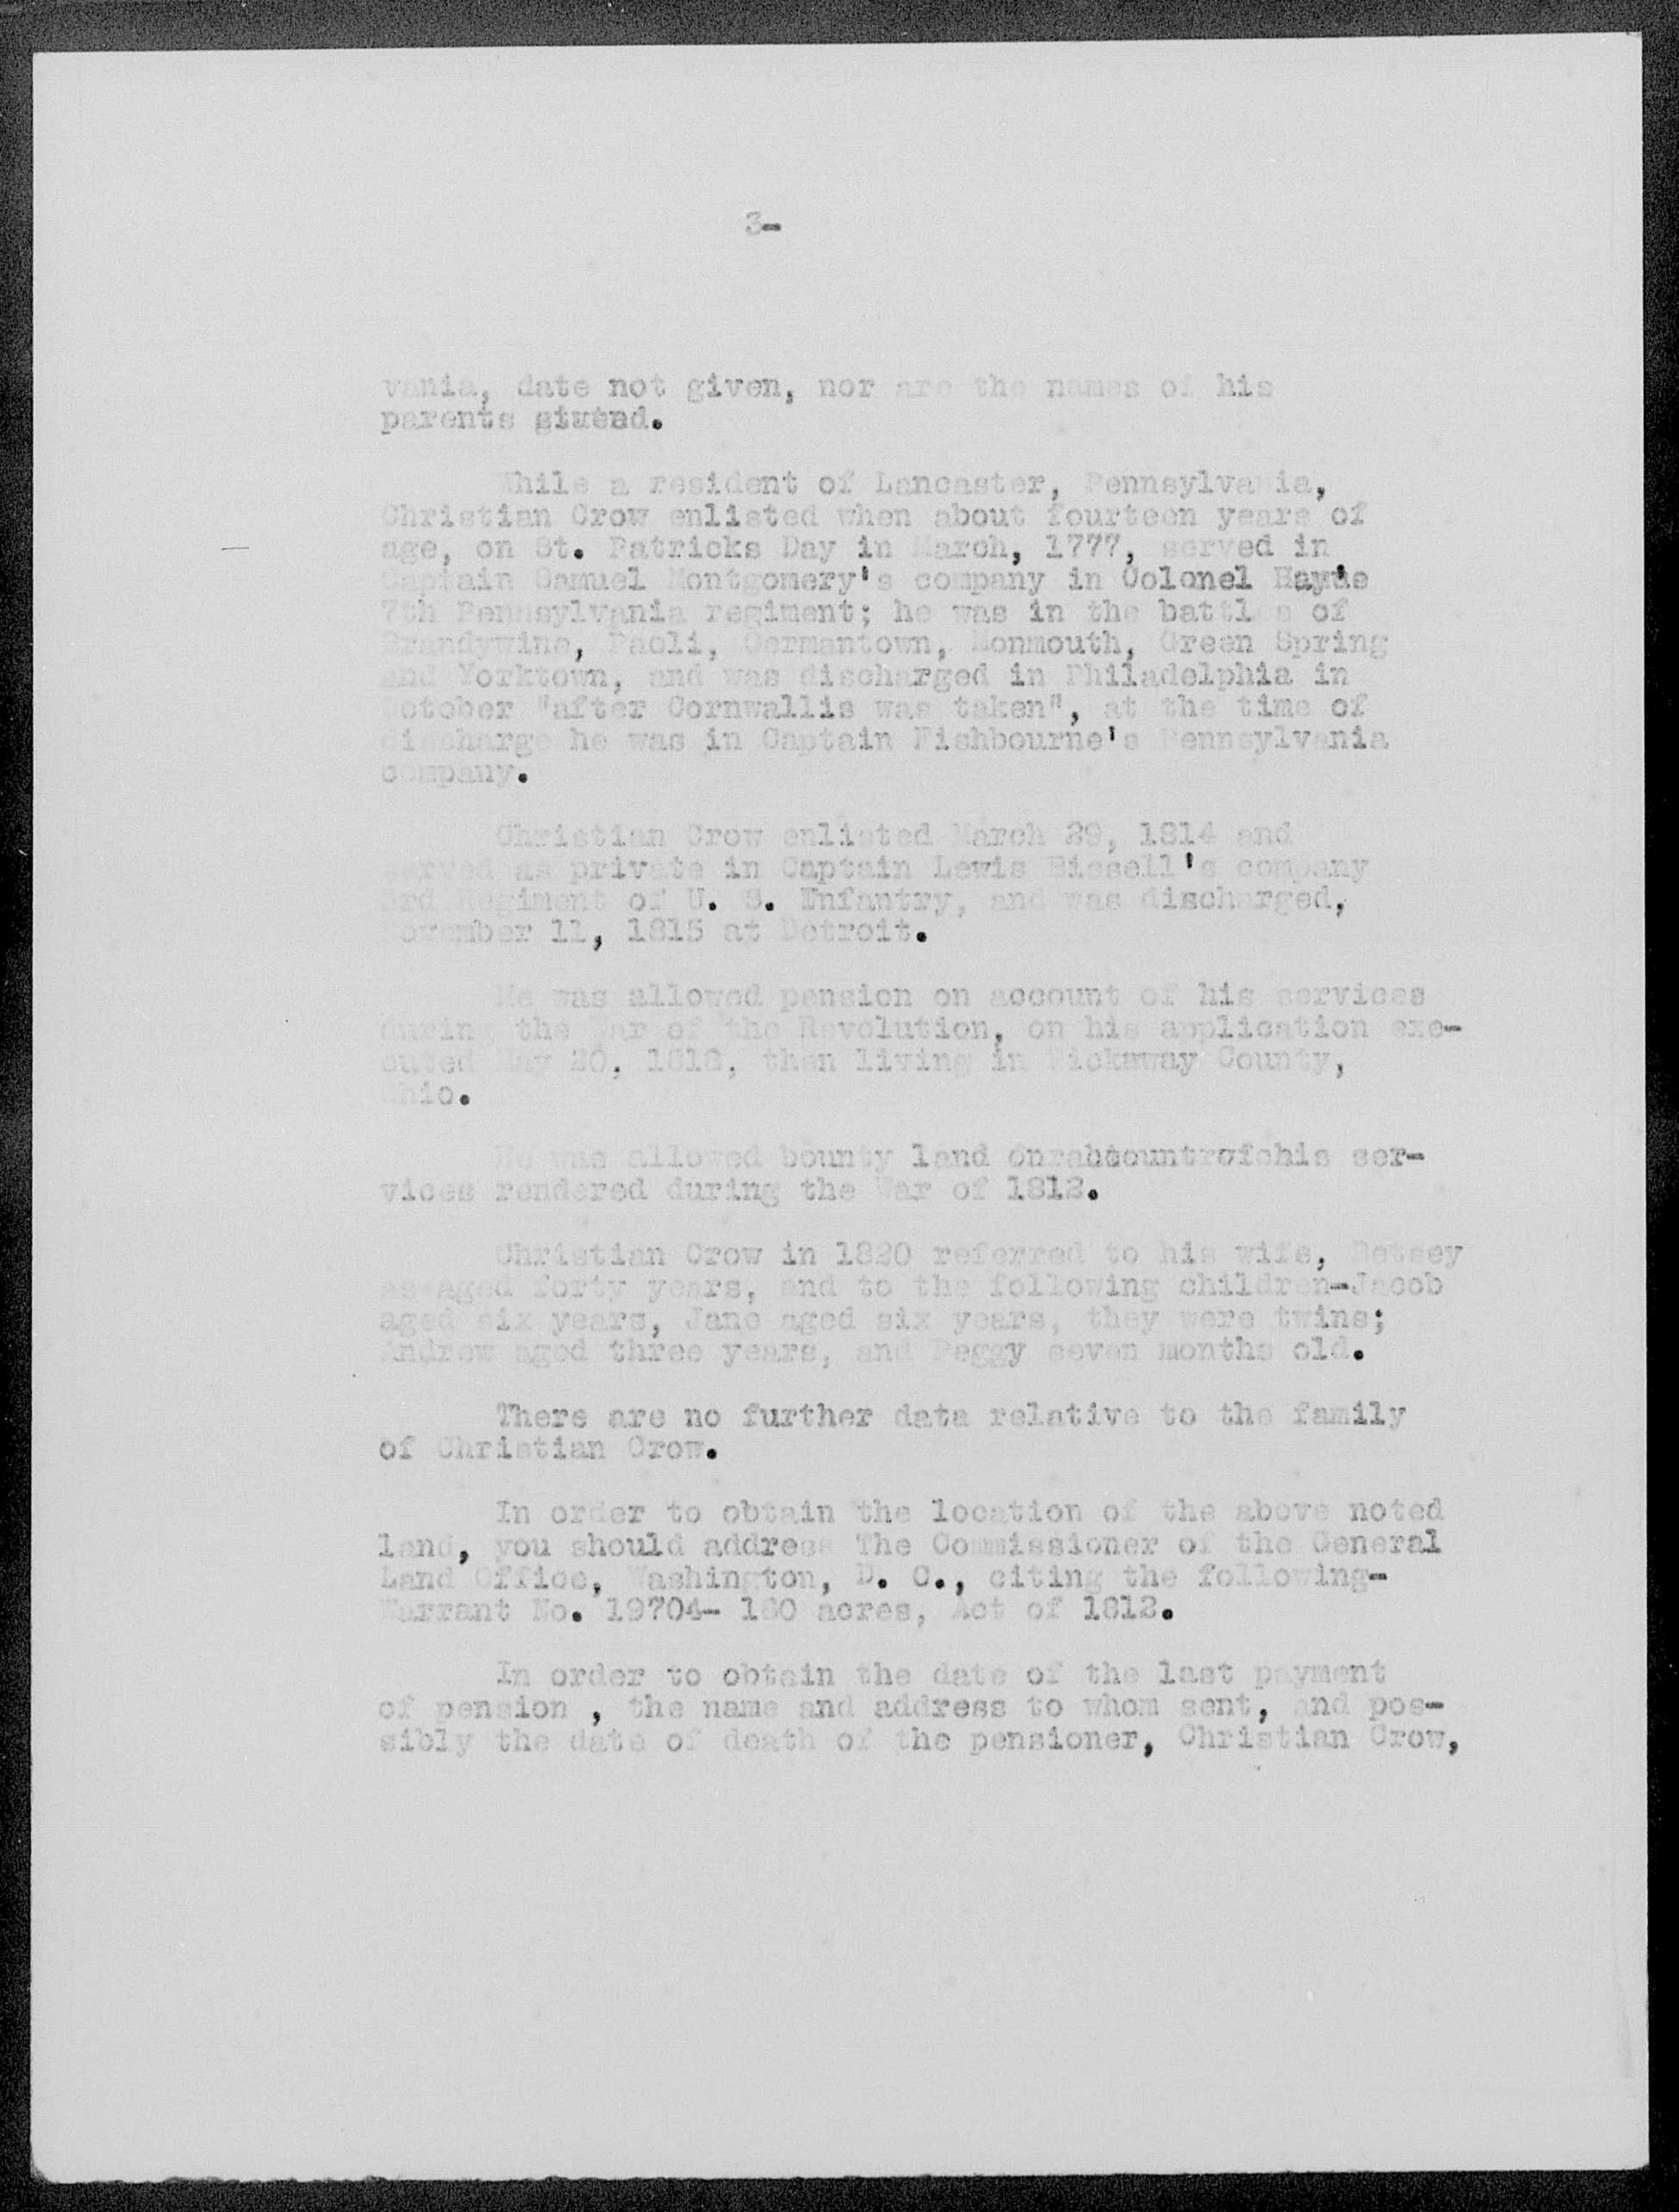-3-
vania, date not given, nor are the names of his parents given.
While a resident of Lancaster, Pennsylvania, Christian Crow enlisted when about fourteen years of age, on St. Patricks Day in March, 1777, served in Captain Daniel Montgomery's company in Colonel Hay's 7th Pennsylvania regiment; he was in the battles of Brandywine, Paoli, Germantown, Monmouth, Green Spring and Yorktown, and was discharged in Philadelphia in October "after Cornwallis was taken", at the time of discharge he was in Captain Fishbourne's Pennsylvania company.
Christian Crow enlisted March 29, 1814 and served as private in Captain Lewis Bissell's company 3rd Regiment of U.S. Infantry, and was dischraged, November 11, 1815 at Detroit.
He was allowed pension on account of his services during the War of the Revolution, on his application executed May 20, 1818, then living in Pickaway County, Ohio. 
He was allowed bounty land on account of his services rendered during the War of 1812.
Christian Crow in 1820 referred to his wife, Besey as aged forty years, and to the following children-Jacob aged six years, Jane aged six years, they were twins; Andrew aged three years, and Peggy seven months old.
There are no further data relative to the family of Christian Crow.
In order to obtain the location of the above noted land, you should address The Commissioner of the General Land Office, Washington DC, citing the following - Warrant No. 19704 - 160 acres, Act of 1812.
In order to obtain the date of last payment of pension, the name and address to whom sent, and possibly the date of death of the pensioner, Christian Crow,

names: Christian Crow, Christian Crow, Jacob, Peggy, Christian Crow, Jane, Andrew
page: 27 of 30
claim: survivor's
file: S. 3099, Daniel Brainard, Conn. Privateer